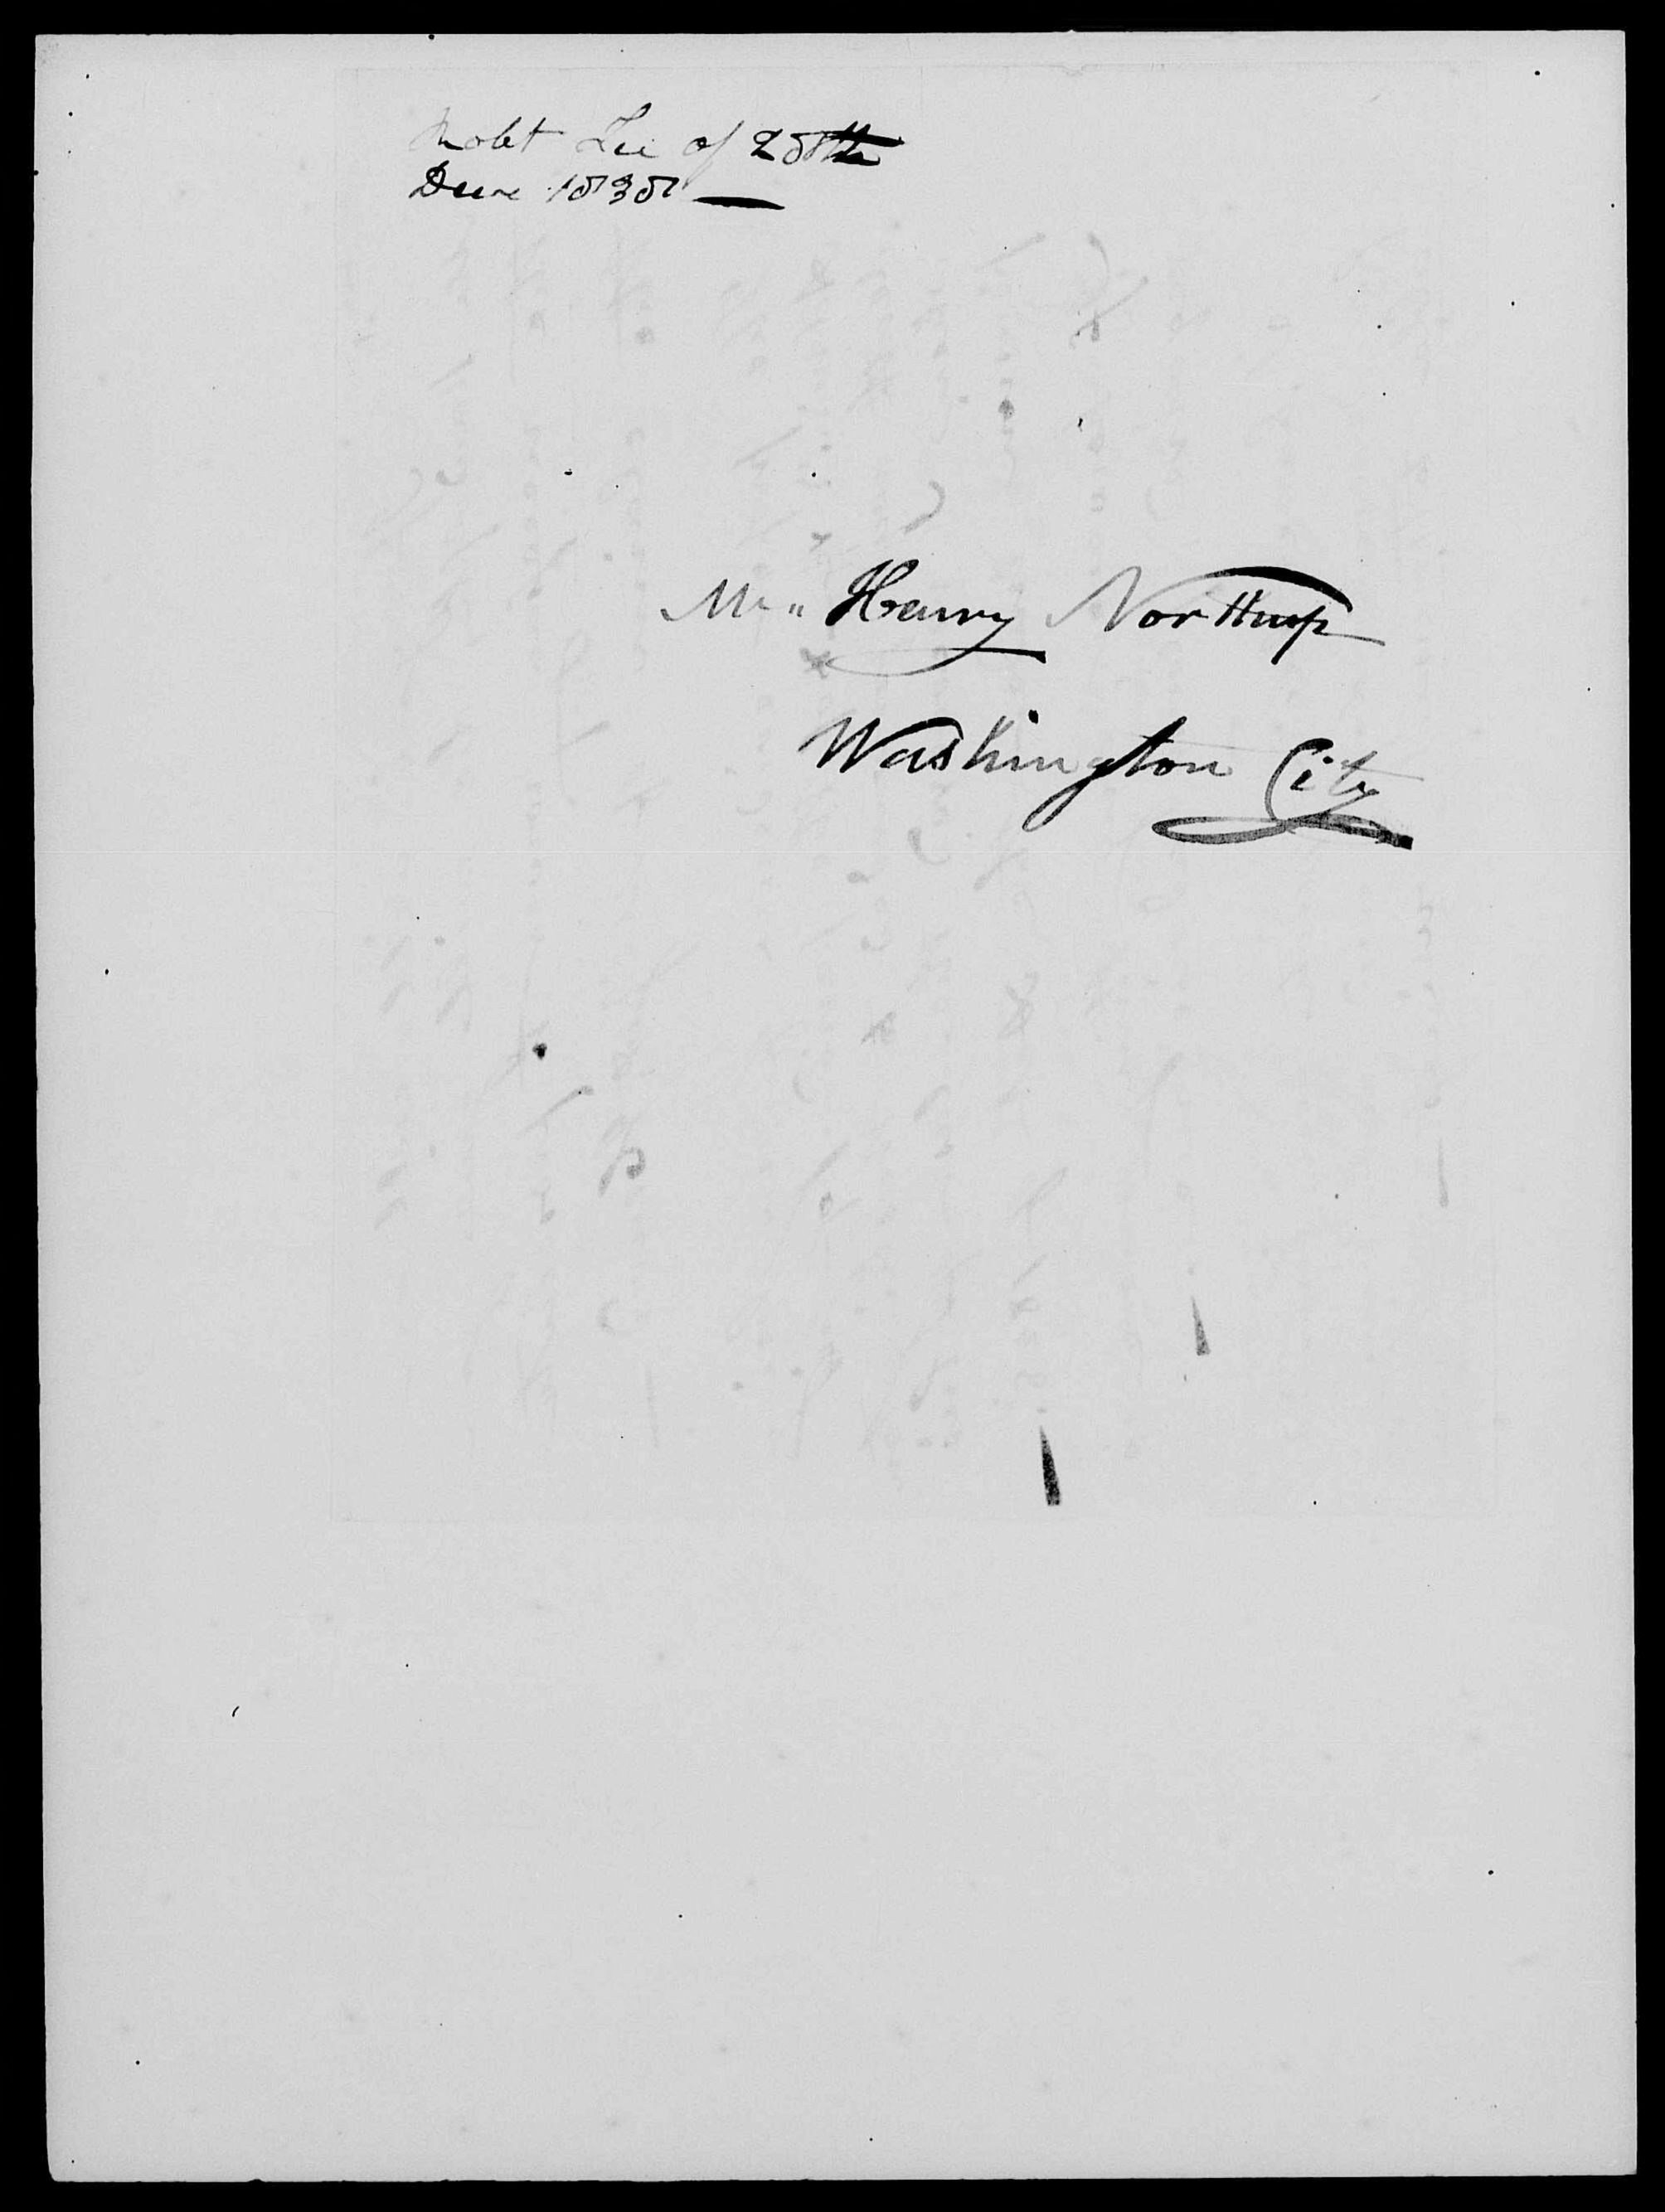Robert Lee of [Illegible]

Mr. Henry Northrop 
Washington City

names: Robt Lee, Henry Northup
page: 50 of 62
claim: survivor's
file: S. 540, James Heard, Continental - New Jersey Residence In 1818